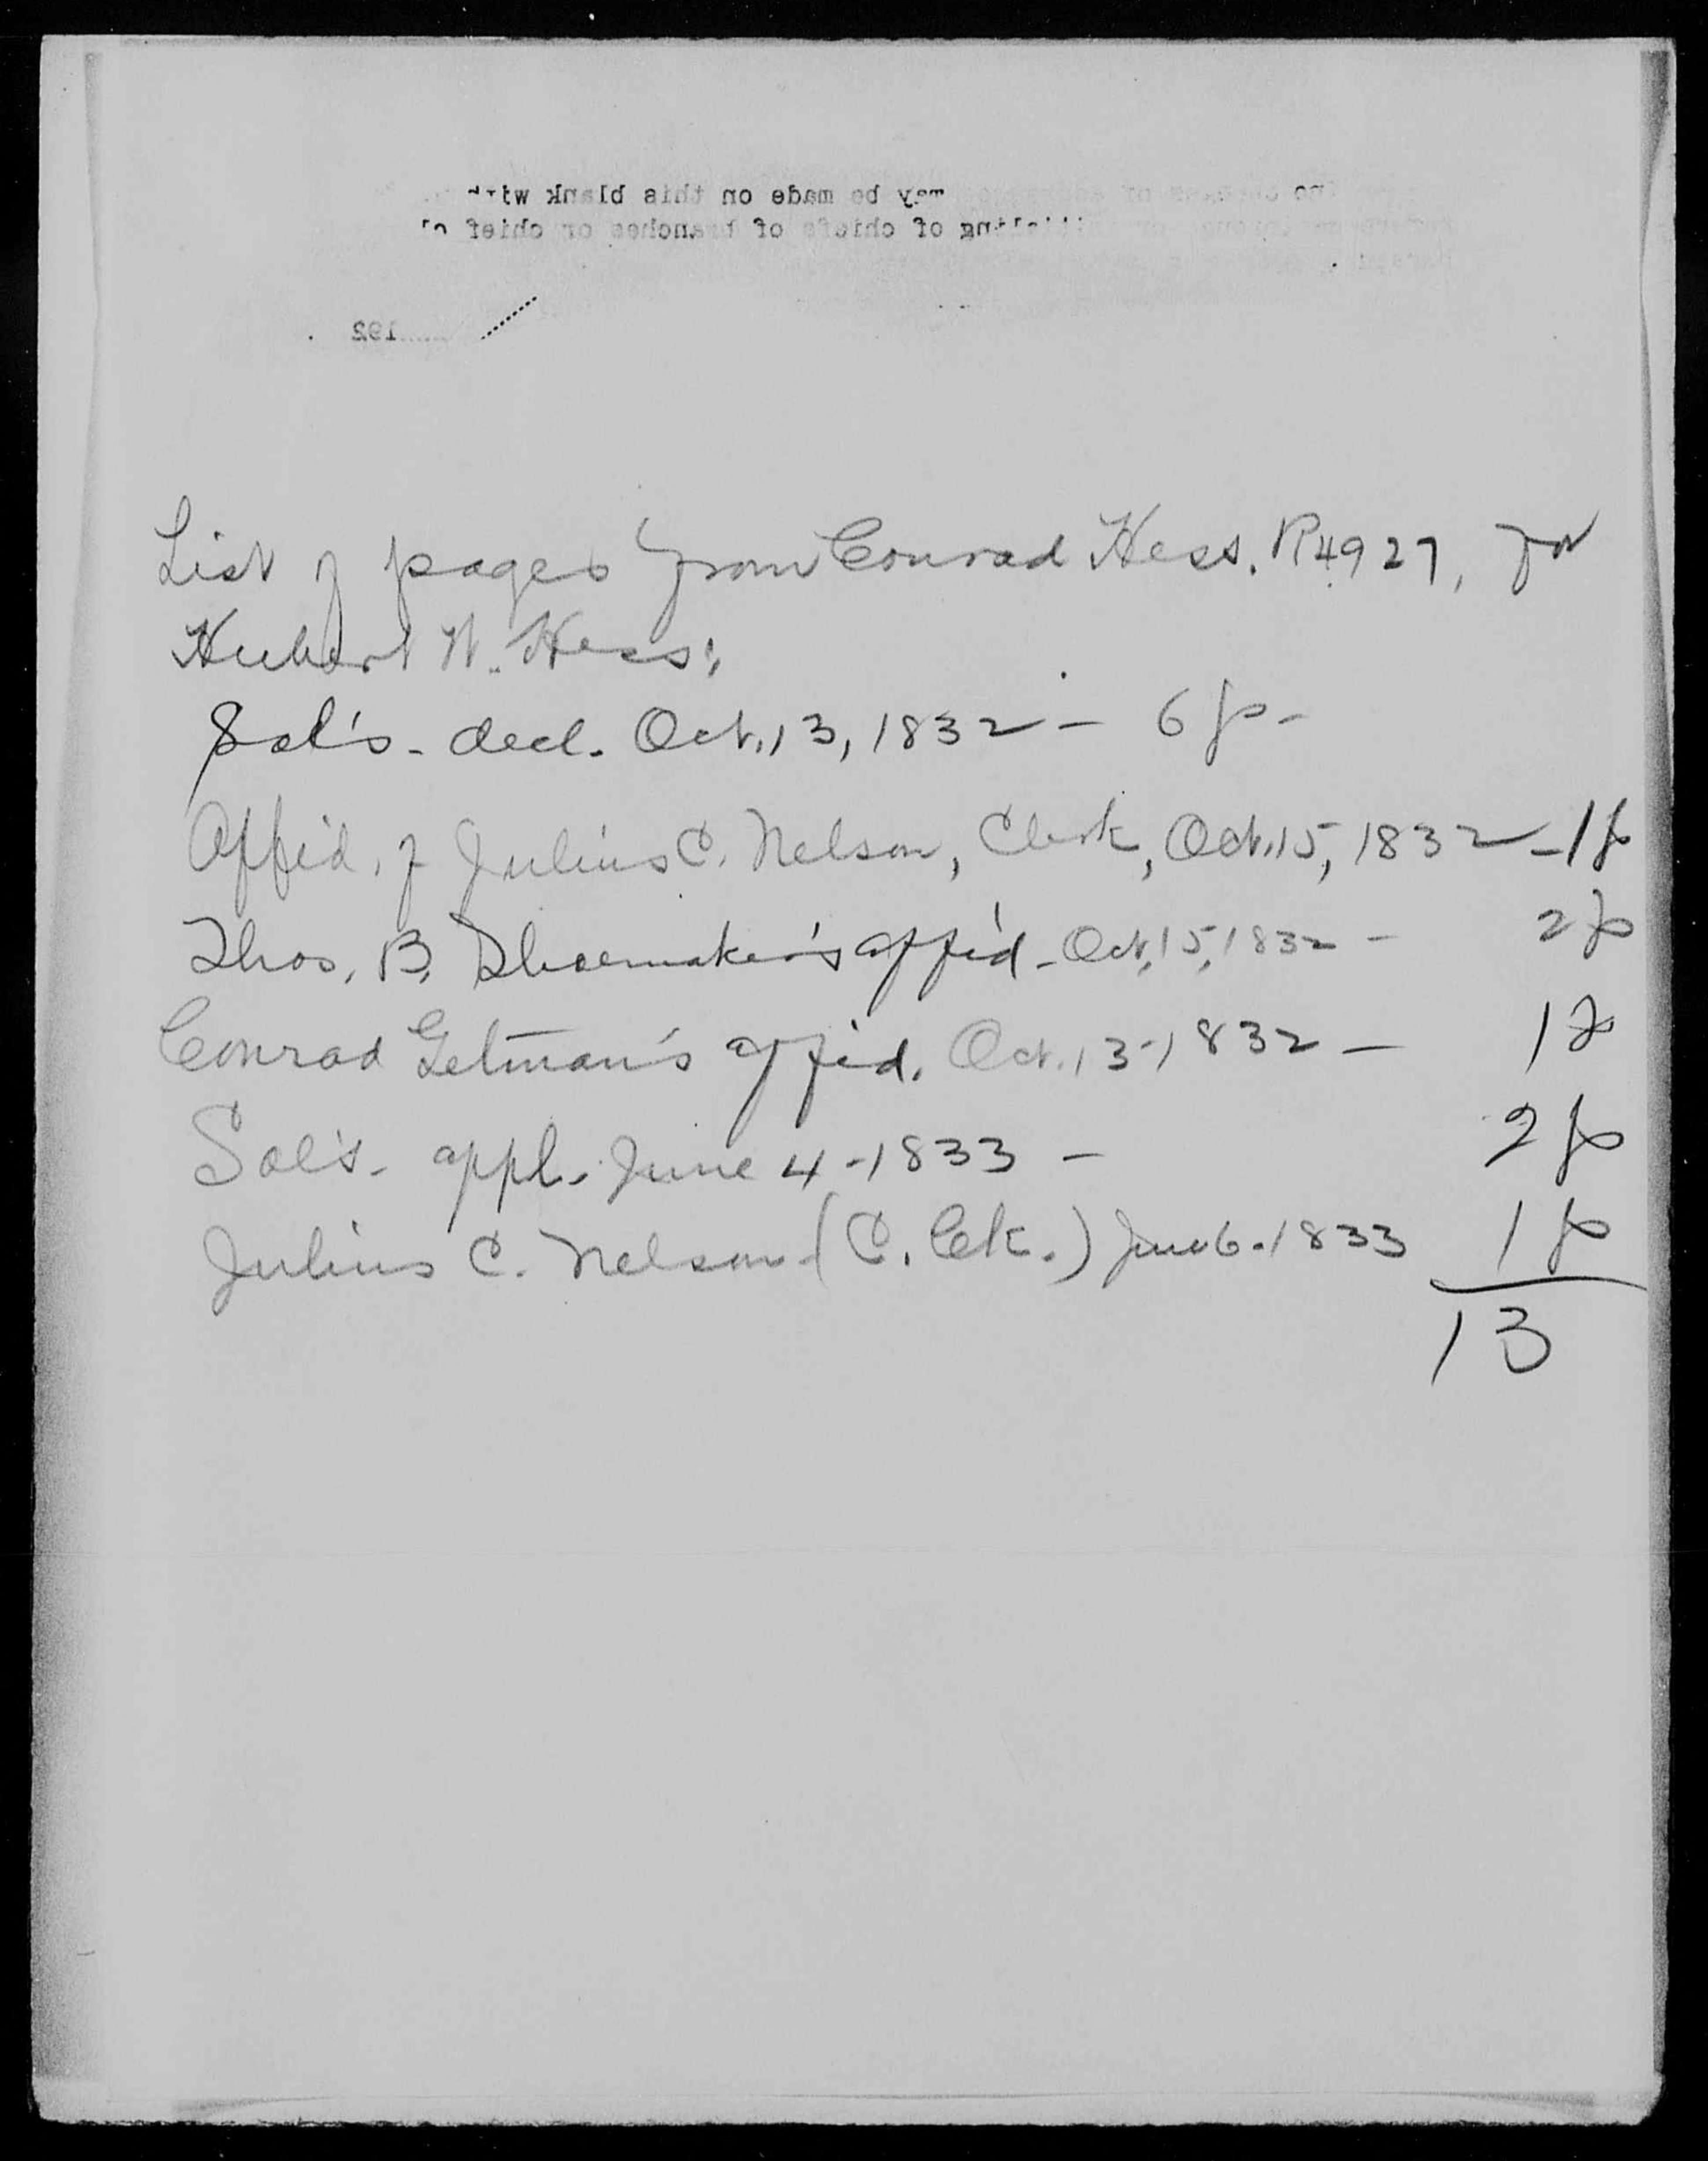[handwritten]

List of pages from Conrad Hess. R4927, jn
Hubert W. Hess:
Sol's. decl. Oct. 13, 1832 - 6 p -
Affid. of Julius C. Nelson, Clerk, Oct. 15, 1832 - 1 p
Thos. B. Shoemaker's affid - Oct, 15, 1832 - 2 p
Conrad Getman's affid. Oct. 13-1832 - 1 p
Sol's. appl. June 4 -1833 - 2 p
Julius C. Nelson - (C. Clk.) June 6.1833  1 p [underlined]
13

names: Hubert W Hess, Thos B Shoemaker, Conrad Getman, Conrad Hess, Julius C Nelson, Julius C Nelson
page: 22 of 30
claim: rejected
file: R. 4927, Conrad Hess, New York